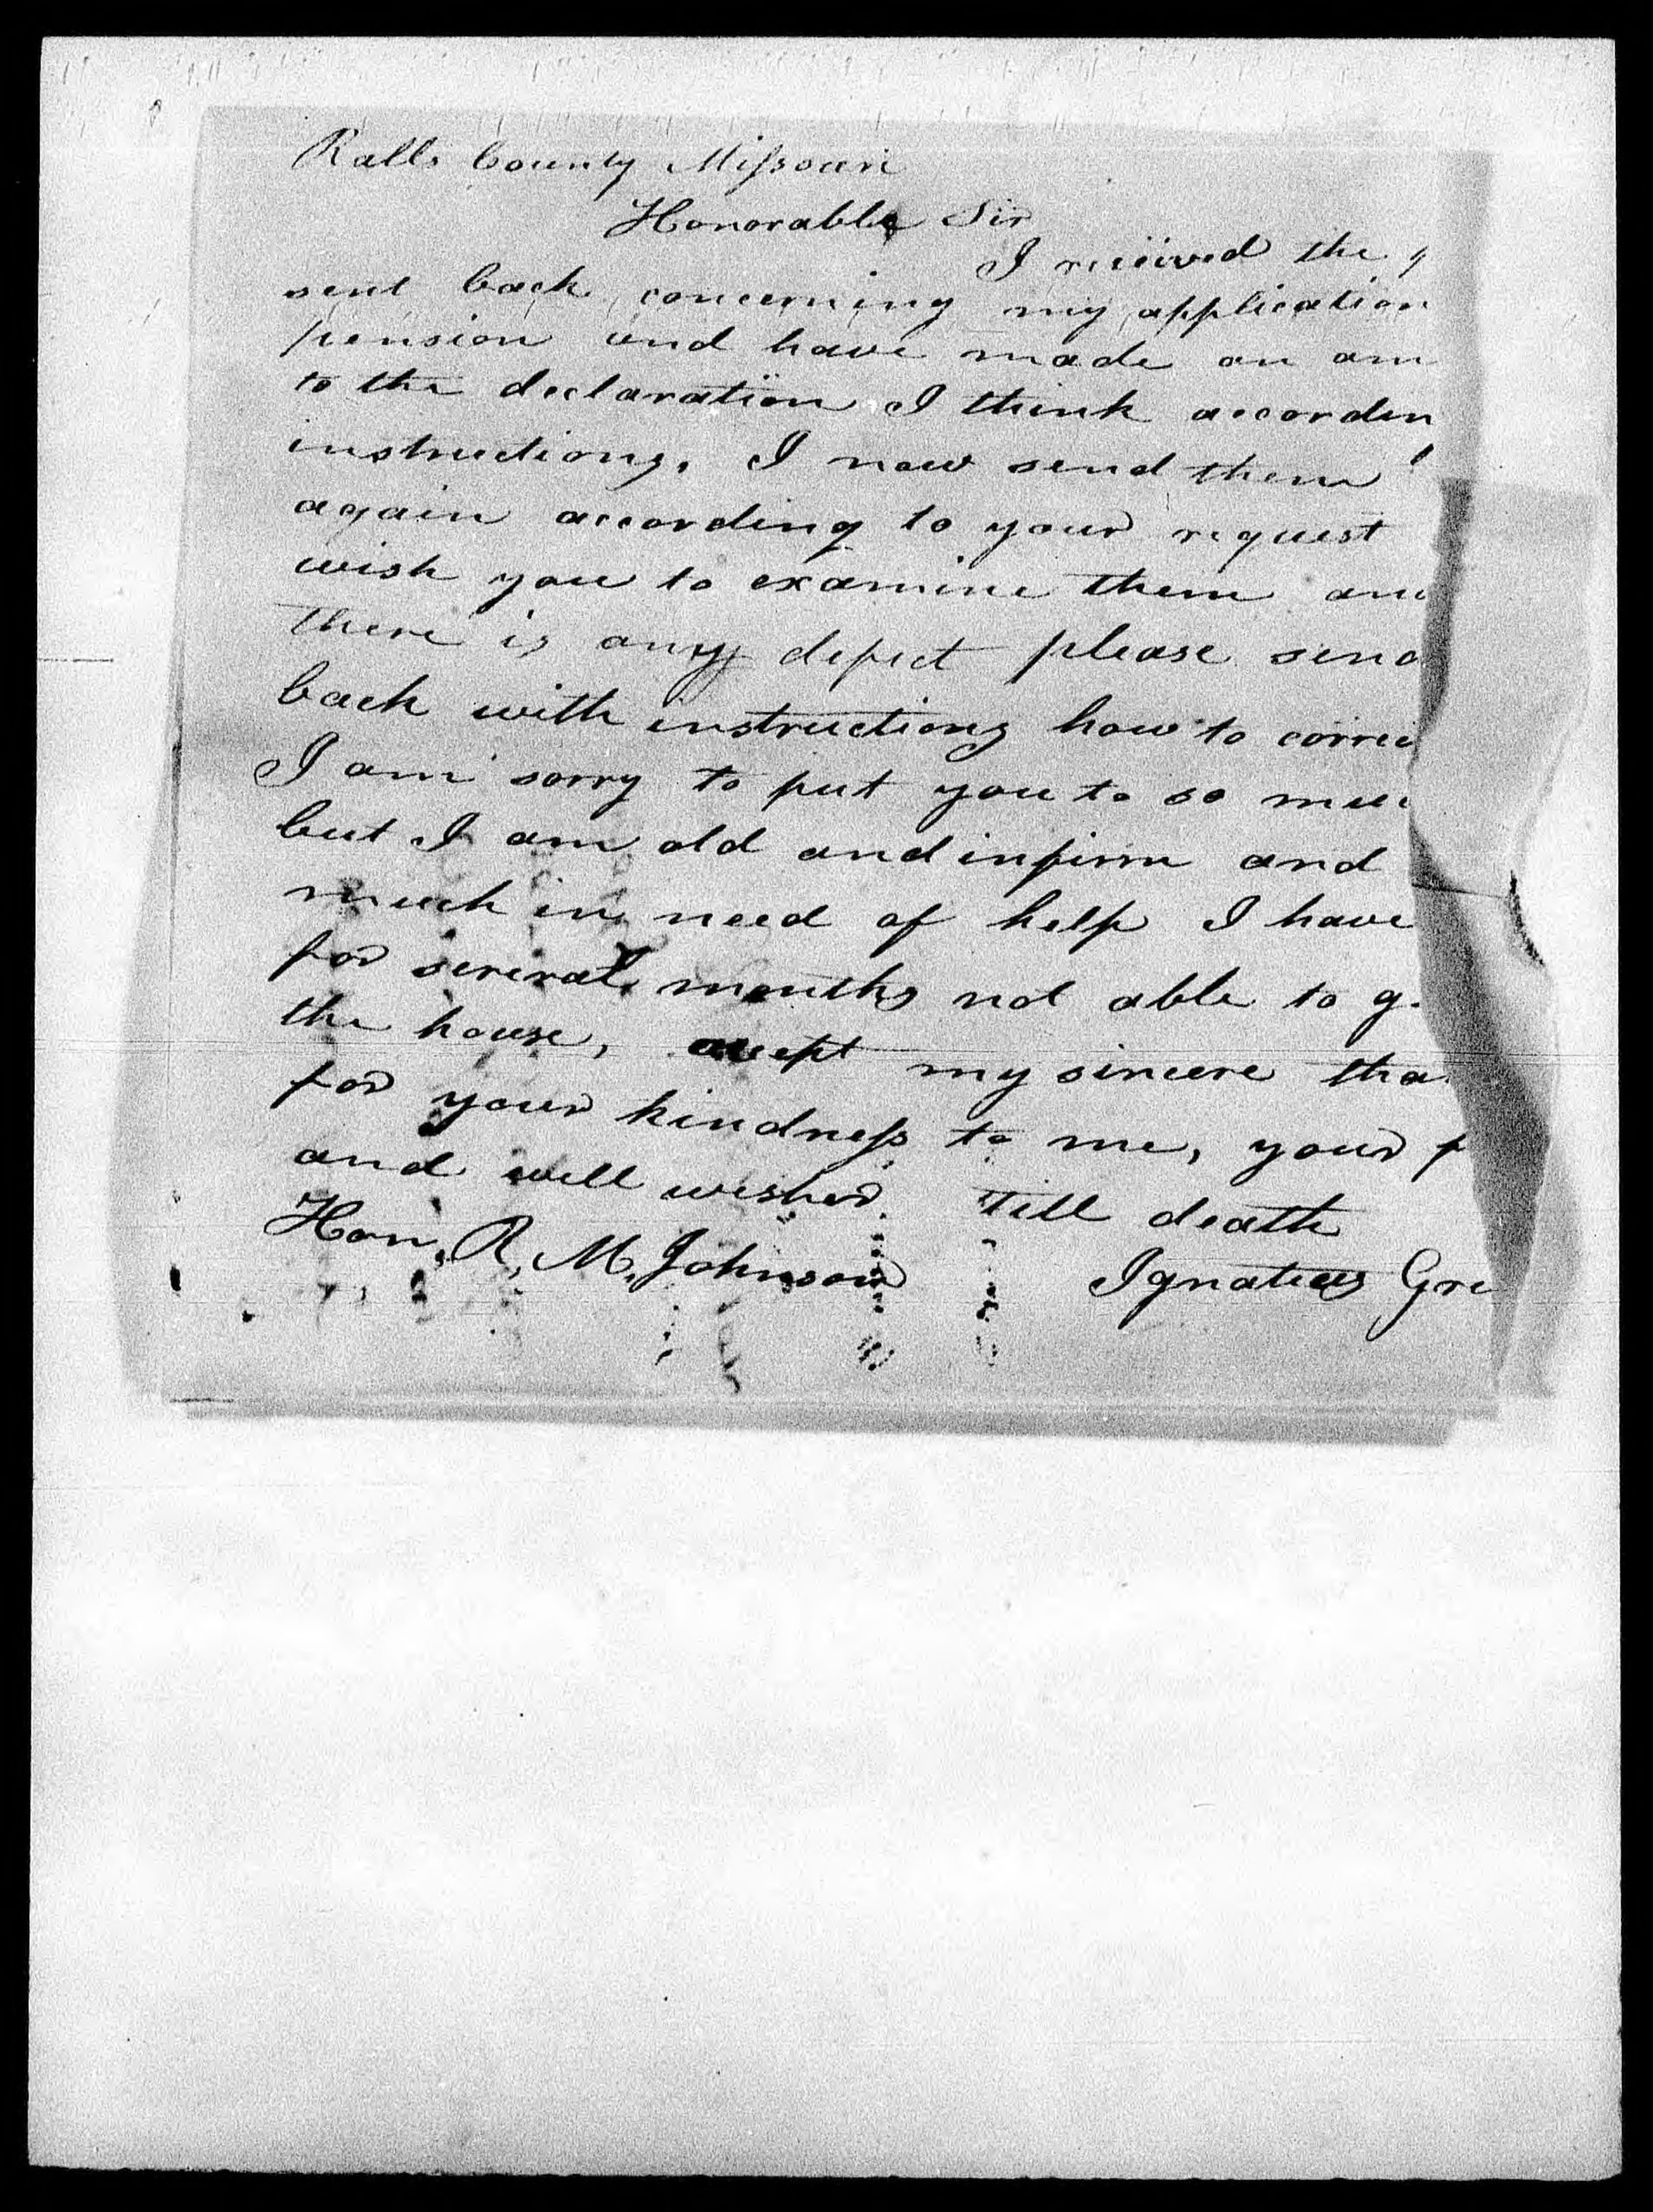Ralls County Missouri

Honorable Sir

I received the letter sent back concerning my application for pension and have made one amendment to the declaration I think according to the instructions. I now send them to your again according to your request. I wish you to examine them and see if there is any defect, please send them back with instructions how to correct. I am sorry to put you to so much trouble, but I am old and infirm and as such in need of help. I have for several months not able to get out of the house. Accept by sincere thanks for your kindness to me, your {illegible] and well wishes till death.

Ignatius Greenwell

Hon R M Johnson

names: Ignatius Greenwell, R M Johnson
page: 14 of 19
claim: survivor's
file: S. 16836, Ignatus Greenwell, Md.